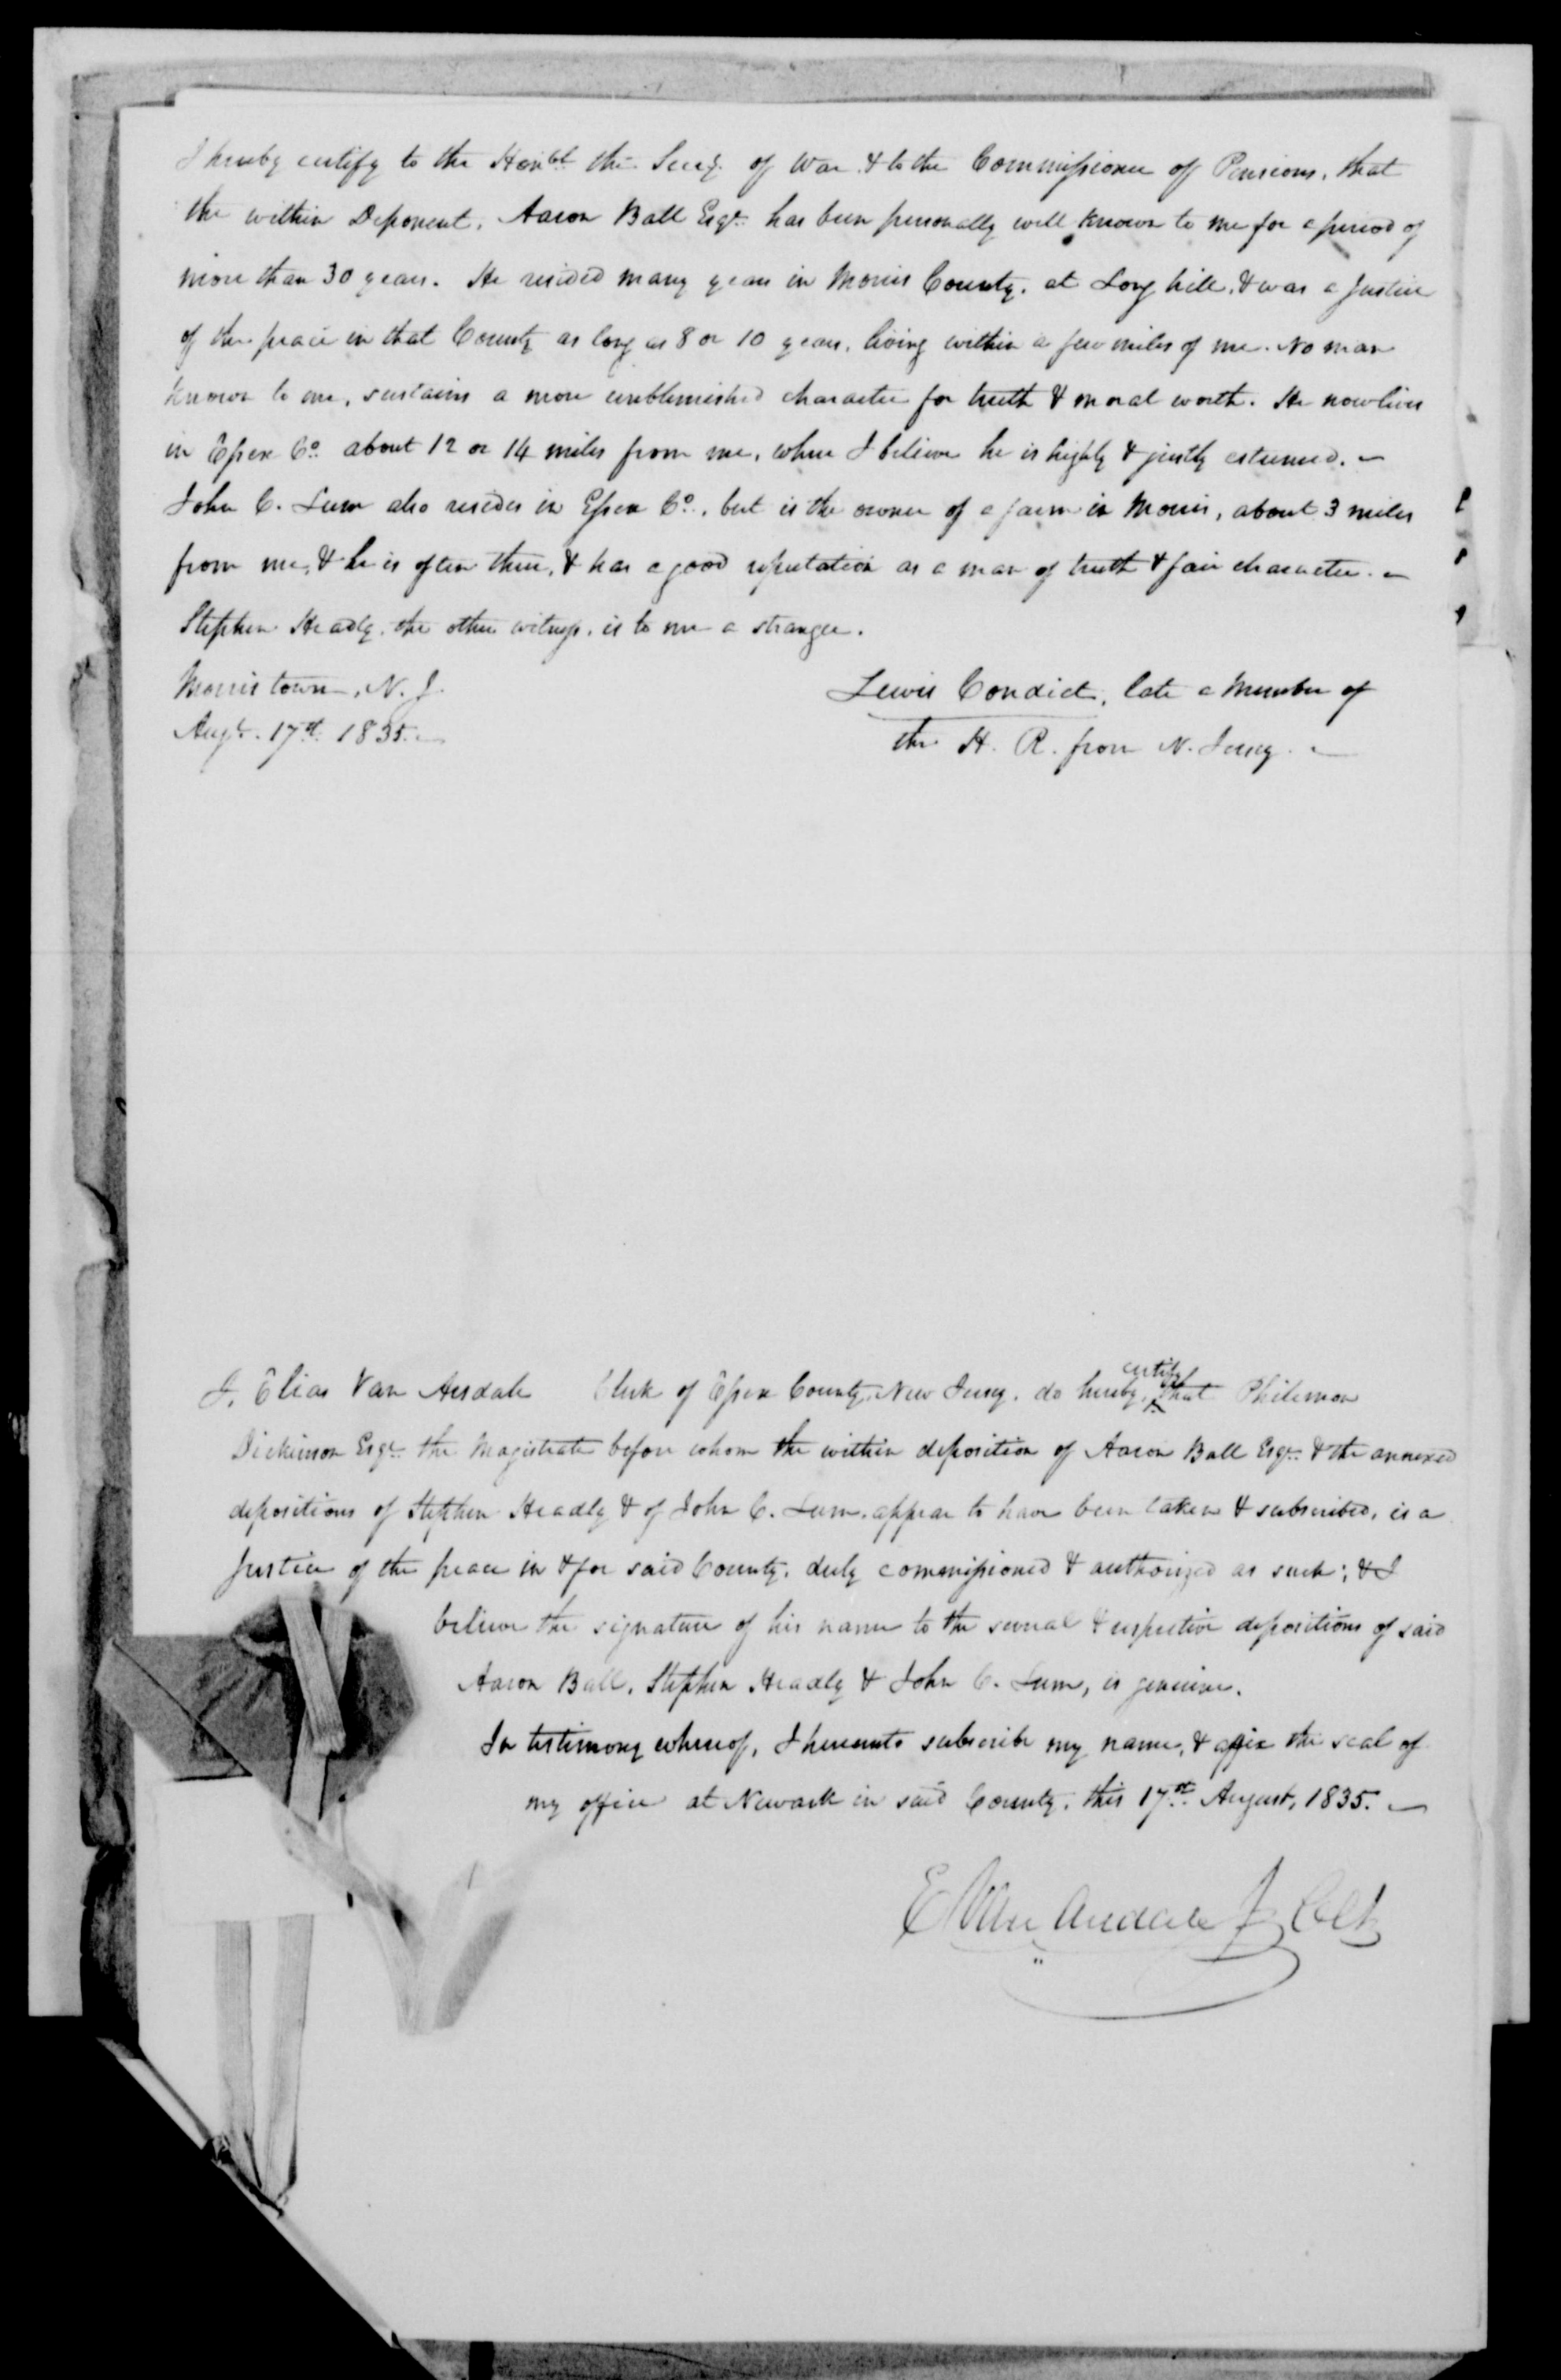I hereby certify to the Honble. the Secy. of War & to the Commissioner of Pensions, that the
within deponent, Aaron Ball Esq.. has been personally well known to me for a period of
more than 30 years. He resided many years in Morris County, at Long hill, & was a Justice
of the peace in that County as long as 8 or 10 years, living within a few miles of me. No man
known to me, sustains a more unblemished character for truth & moral worth. He now lives in Essex Co. about 12 or 14 miles from me, where I believe he is highly & justly esteemed.-
John C. Lum also resides in Essex Co, but is the owner of a farm in Morris, about 3 miles from
me, & he is often there, & has good reputation as a man of truth & fair character.
Stephen Headle, the other witness, is to me a stranger.
Morristown, N.J.
Augt 17th 1835

Lewis Condict, late number of
the H.R. from N. Jersey.-

I, Elias Van Arsdale Clerk of Essex County New Jersey do hereby ceetify that Philemon
Dickinson Esqr the Magistrate before whom the within deposition of Aaron Ball Esqr. & the annexed depositions of Stephen Headly & of John C. Lum, appear to have been taken & subscribed, is a Justice of the peace in & for said County, duly commissioned & authorized as such; & I believe the signature of his name to the several & respective depositions of said
Aaron Ball, Stephen Headly & John C. Lum, is genuine.

In testimony whereof, I hereunto subscribe my name, & affix the seal of my office at Newark in said County, this 17th August, 1835-
E. Van Arsdale Clk
[seal affixed at left]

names: Lewis Condict; Aaron Ball; Stephen Headly; Stephen Headly; Aaron Ball; Philemon Dickinson; E Van Arsdale; Elias Van Arsdale; John C Lum; Aaron Ball; John C Lum; John C Lum; Stephen Headly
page: 42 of 44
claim: survivor's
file: S. 912, for Samuel Shipman, New Jersey